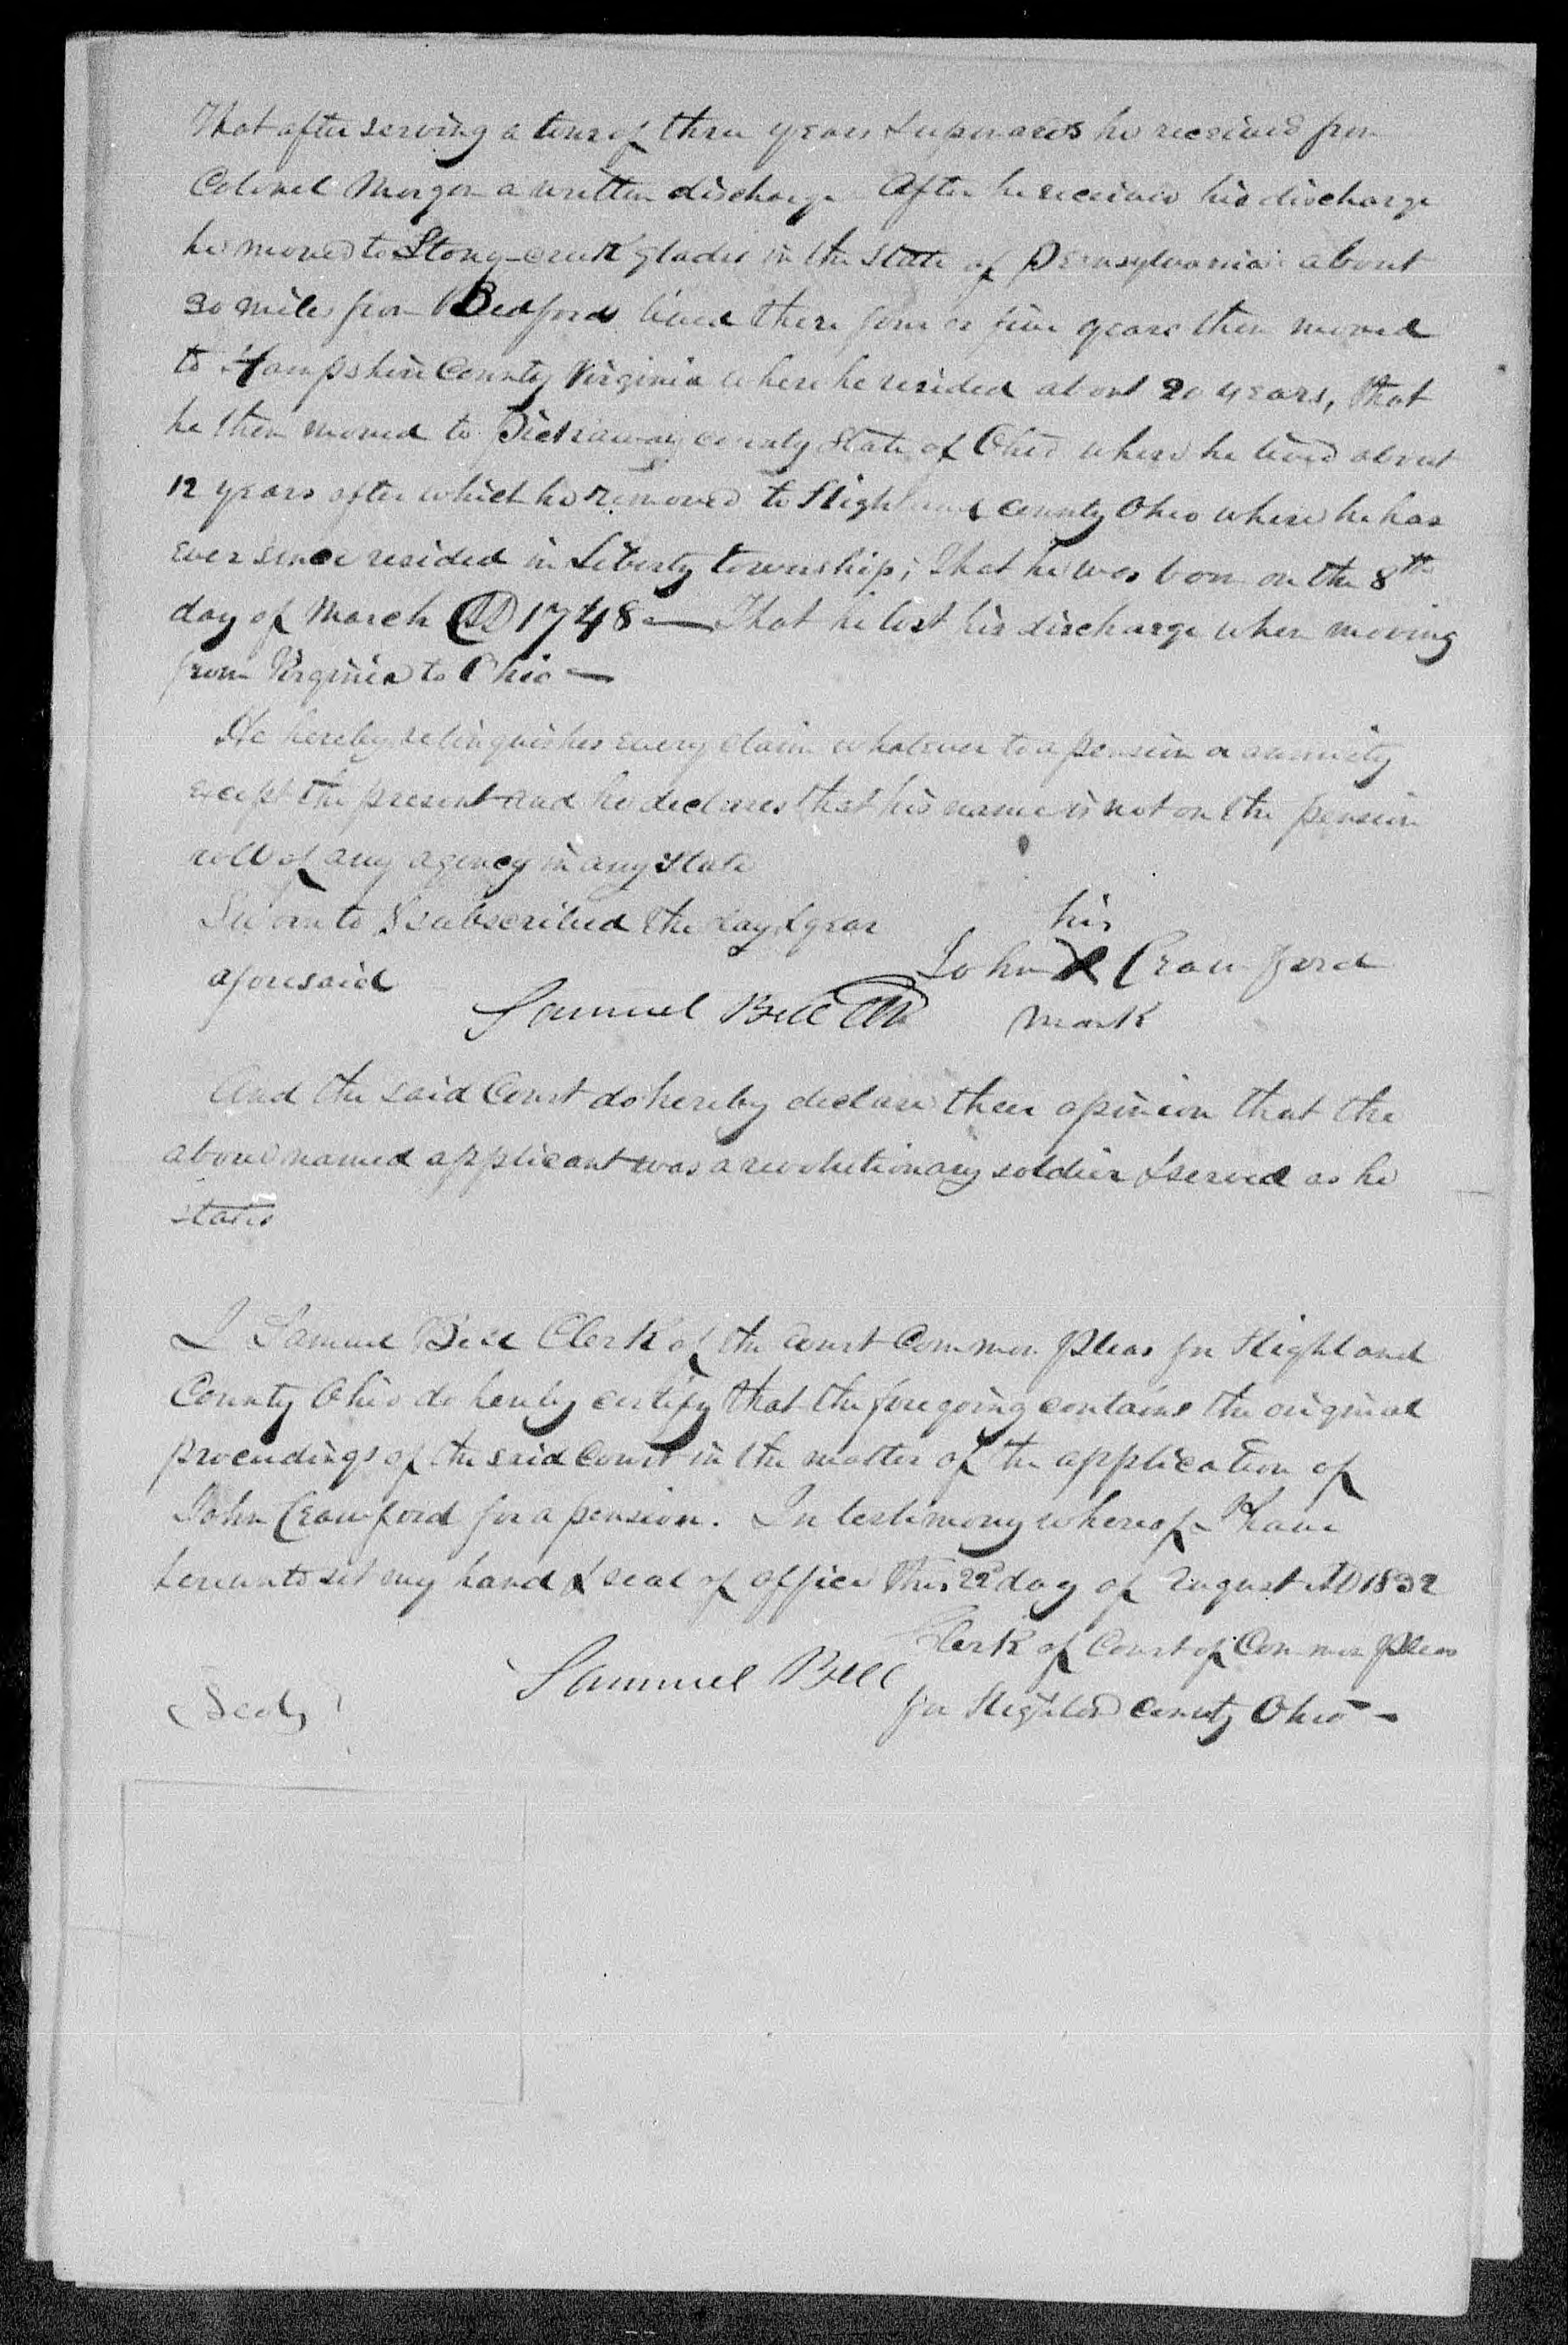That after serving a tour of three years & upwards he received per Colonel Morgan a written discharge. After he received his discharge he moved to Stony Creek Glades in the state of Pennsylvania about 30 miles from Bedford lived there four or five years then moved to Hampshire County Virginia where he resided about 20 years, that he then moved to Pickaway county state of Ohio where he lived about 12 years after which he removed to Highland county Ohio where he has ever since resided in Liberty township; that he was born on the 8th day of March AD 1748. That he lost his discharge when moving from Virginia to Ohio.
He hereby relinquishes every claim whatever to a pension or security except the present and he declares that his name is not on the pension roll of any agency in any state.
Sworn to & subscribed the day & year aforesaid.
John Crawford - X his mark
Samuel Bell

And the said Court do hereby declare their opinion that the above named applicant was a revolutionary soldier & served as he states.

I Samuel Bell Clerk of the Court Common Pleas in Highland County Ohio do hereby certify that the foregoing contains the original proceedings of the said court in the matter of the application of John Crawford for a pension. In testimony whereof I have hereunto set my hand & seal of office this 22d day of August AD 1832.
Samuel Bell
Clerk of Court of Common pleas for Highland County Ohio

Seal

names: John Crawford, Samuel Bell, Samuel Bell, Samuel Bell, John Crawford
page: 4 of 80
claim: widow's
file: W 2070, John Crawford, Penn.